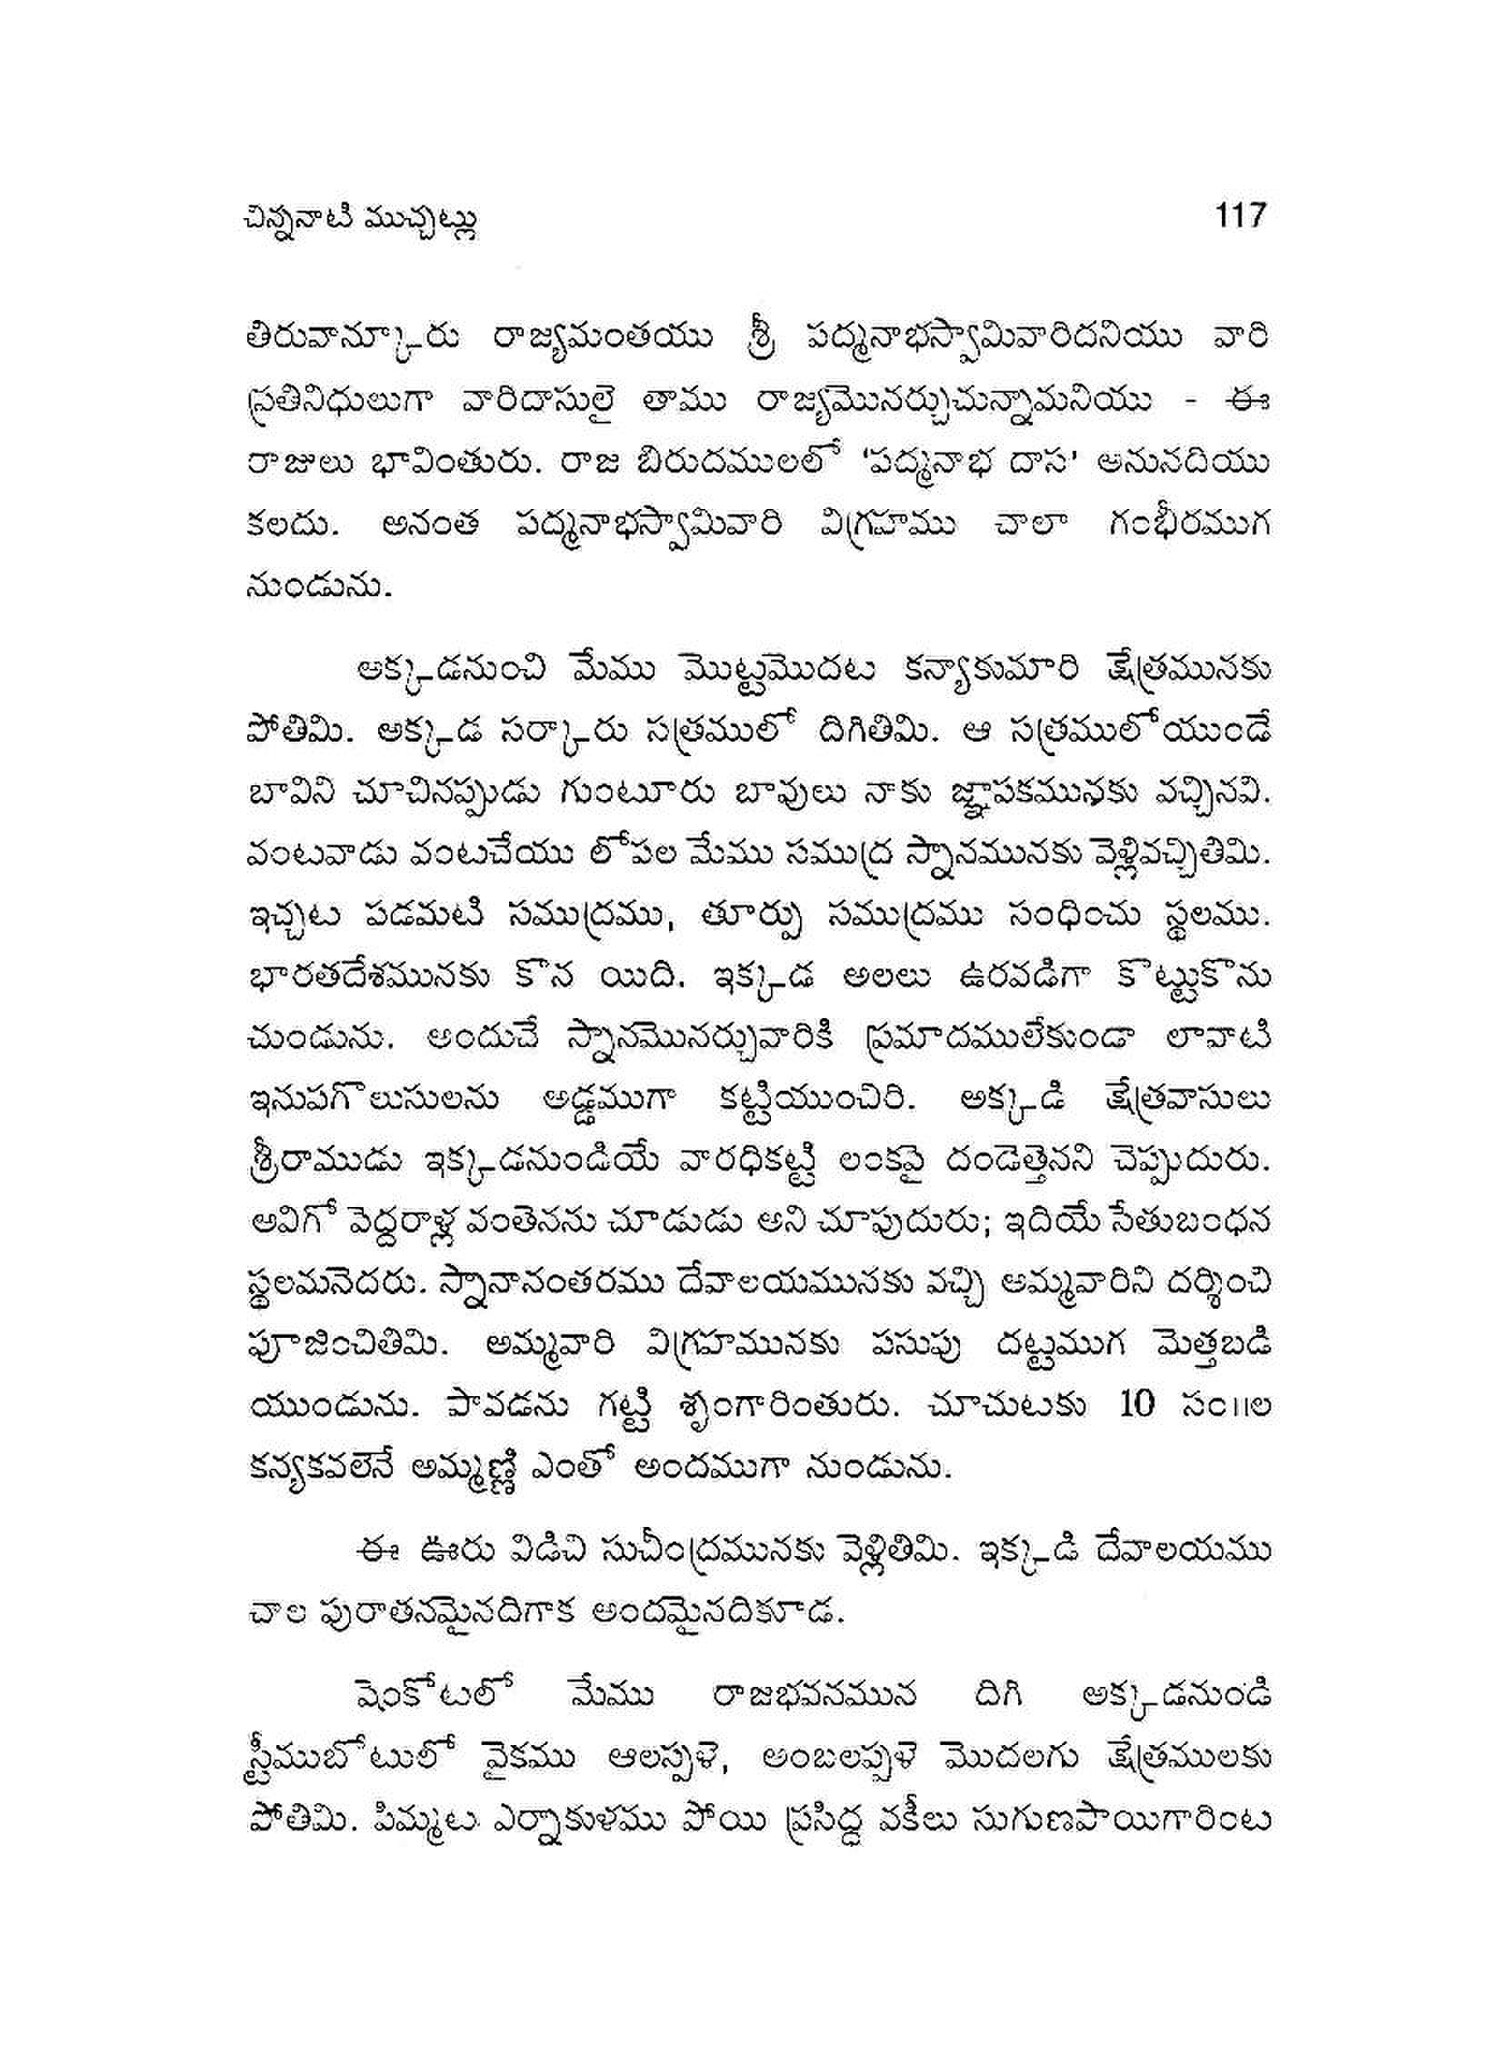తిరువాన్కూరు రాజ్యమంతయు శ్రీ పద్మనాభస్వామివారిదనియు వారి ప్రతినిధులుగా వారిదాసులై తాము రాజ్యమొనర్చుచున్నామనియు - ఈ రాజులు భావింతురు. రాజ బిరుదములలో 'పద్మనాభ దాస' అనునదియు కలదు. అనంత పద్మనాభస్వామివారి విగ్రహము చాలా గంభీరముగ నుండును.

అక్కడనుంచి మేము మొట్టమొదట కన్యాకుమారి క్షేత్రమునకు పోతిమి. అక్కడ సర్కారు సత్రములో దిగితిమి. ఆ సత్రములోయుండే బావిని చూచినప్పుడు గుంటూరు బావులు నాకు జ్ఞాపకమునకు వచ్చినవి. వంటవాడు వంటచేయు లోపల మేము సముద్ర స్నానమునకు వెళ్లివచ్చితిమి. ఇచ్చట పడమటి సముద్రము, తూర్పు సముద్రము సంధించు స్థలము. భారతదేశమునకు కొన యిది. ఇక్కడ అలలు ఉరవడిగా కొట్టుకొను చుండును. అందుచే స్నానమొనర్చువారికి ప్రమాదములేకుండా లావాటి ఇనుపగొలుసులను అడ్డముగా కట్టియుంచిరి. అక్కడి క్షేత్రవాసులు శ్రీరాముడు ఇక్కడనుండియే వారధికట్టి లంకపై దండెత్తెనని చెప్పదురు. అవిగో పెద్దరాళ్ల వంతెనను చూడుడు అని చూపుదురు; ఇదియే సేతుబంధన స్థలమనెదరు. స్నానానంతరము దేవాలయమునకు వచ్చి అమ్మవారిని దర్శించి పూజించితిమి. అమ్మవారి విగ్రహమునకు పసుపు దట్టముగ మెత్తబడి యుండును. పావడను గట్టి శృంగారింతురు. చూచుటకు 10 సం||ల కన్యకవలెనే అమ్మణ్ణి ఎంతో అందముగా నుండును.

ఈ ఊరు విడిచి సుచీంద్రమునకు వెళ్లితిమి. ఇక్కడి దేవాలయము చాల పురాతనమైనదిగాక అందమైనదికూడ.

షేంకోటలో మేము రాజభవనమున దిగి అక్కడనుండి స్టీముబోటులో పైకము ఆలస్పళె, అంబలప్పళె మొదలగు క్షేత్రములకు పోతిమి. పిమ్మట ఎర్నాకుళము పోయి ప్రసిద్ద వకీలు సుగుణపాయిగారింట